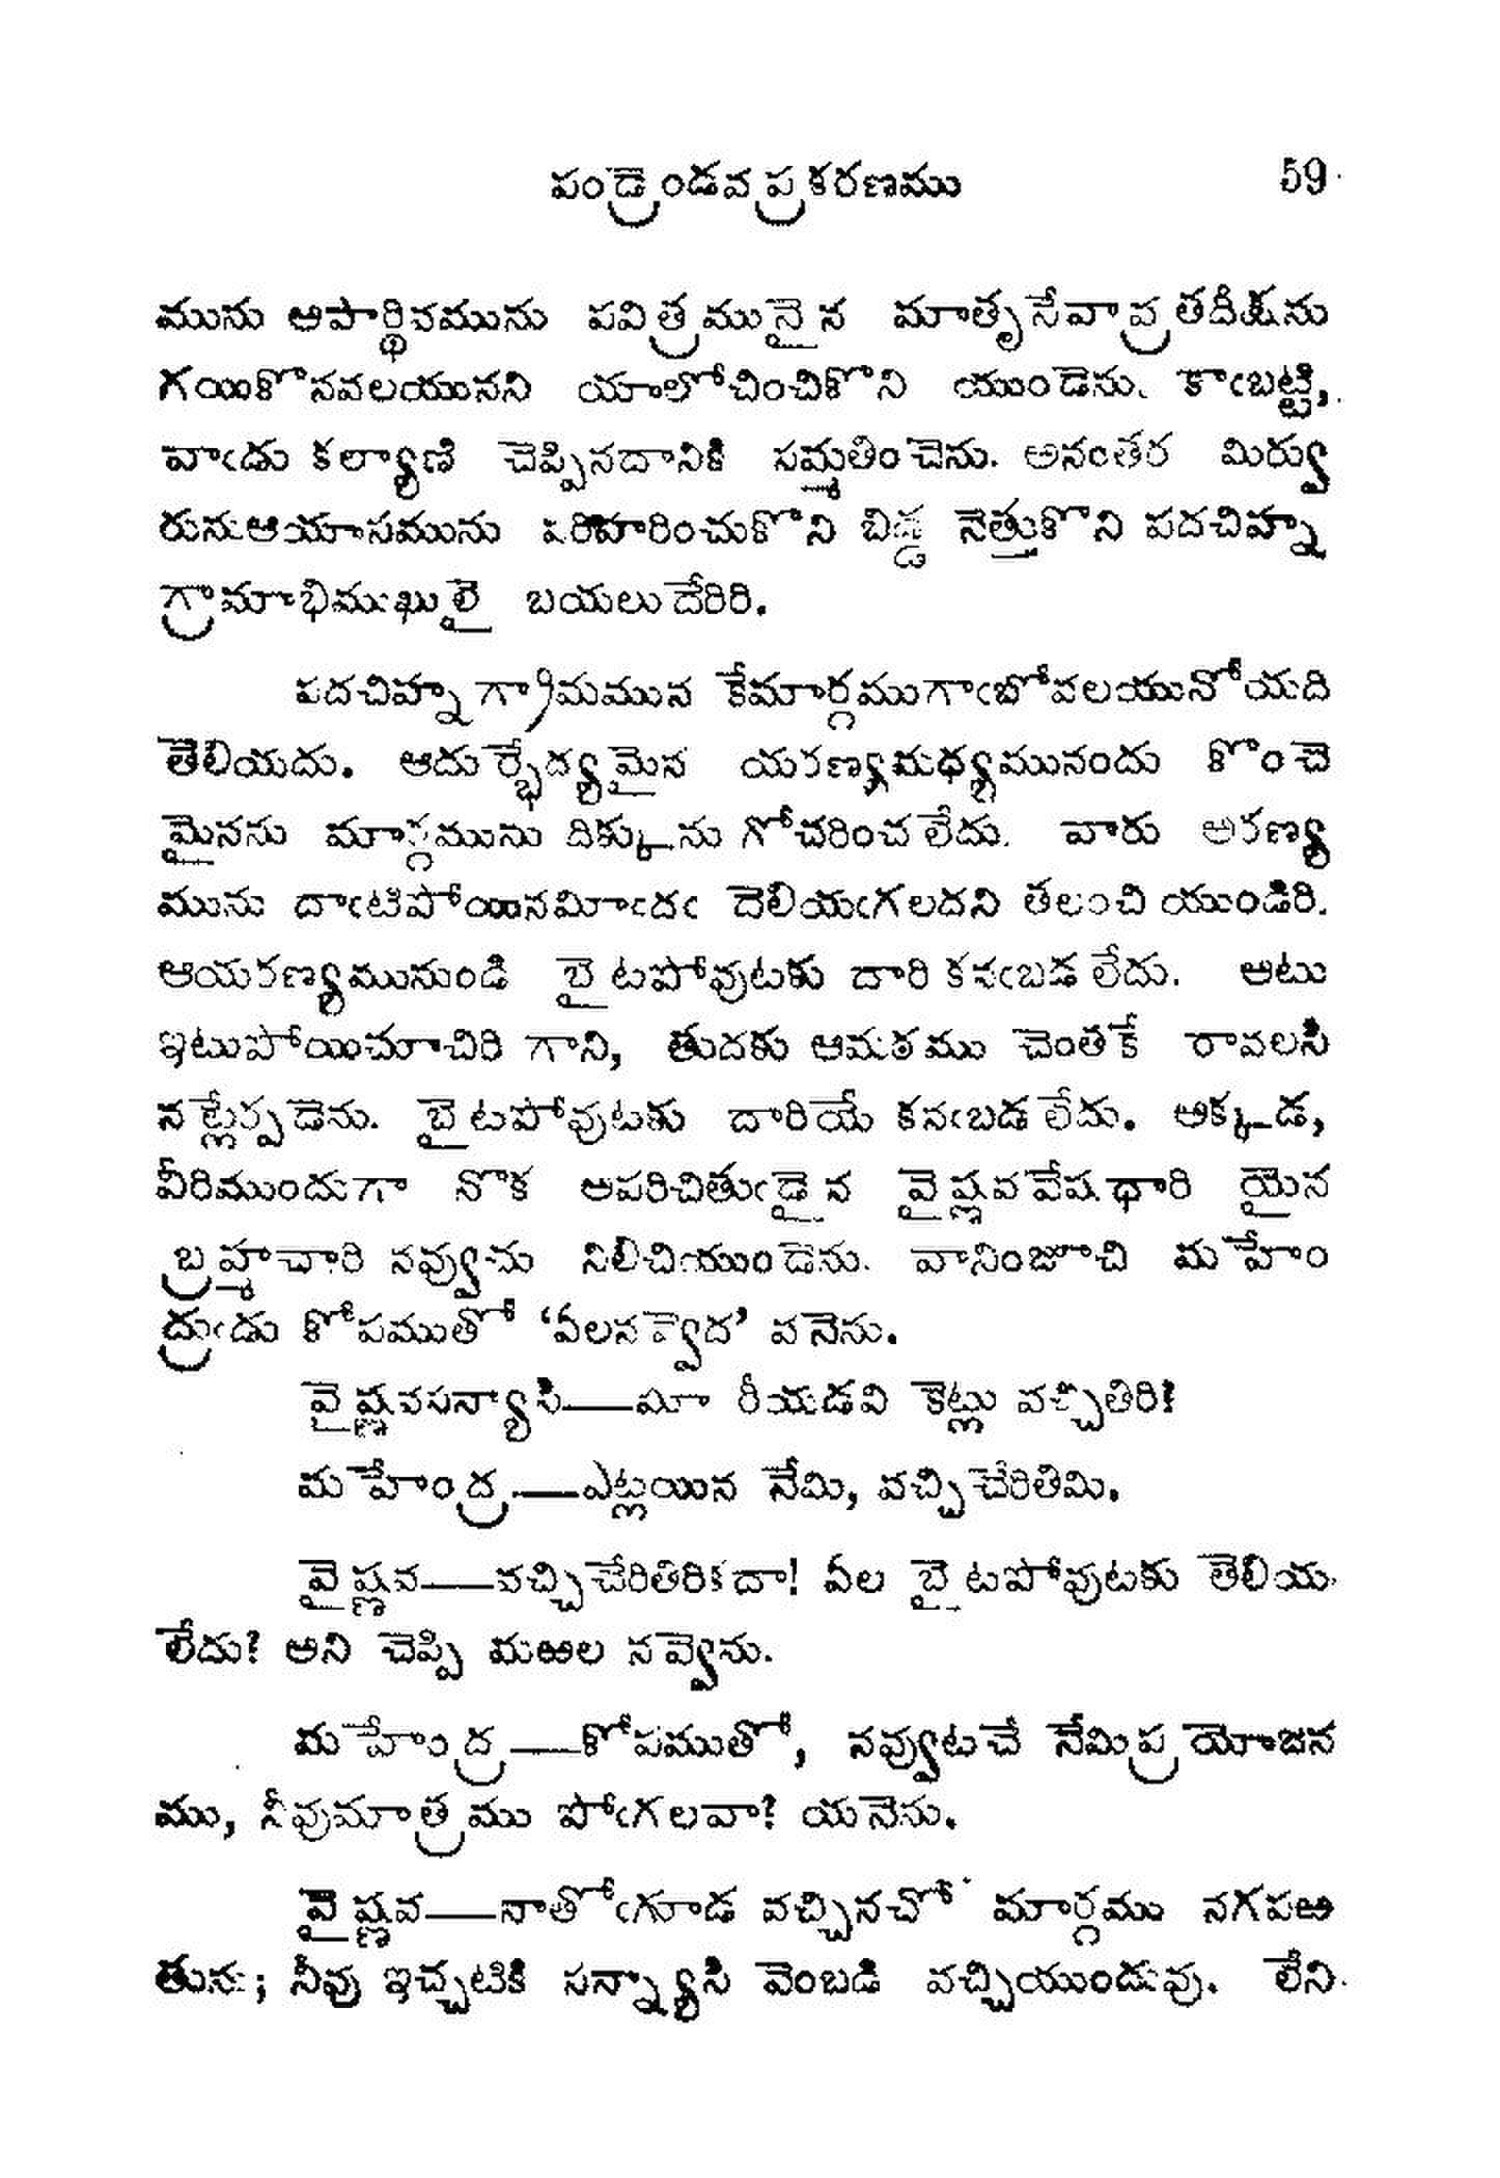మును ఆపార్థివమును పవిత్రమునైన మాతృసేవావ్రతదీక్షను గయికొనవలయునని యాలోచించికొని యుండెను. కాఁబట్టి, వాఁడు కల్యాణి చెప్పినదానికి సమ్మతించెను. అనంతర మిర్వురును ఆయాసమును పరిహరించుకొని బిడ్డ నెత్తుకొని పదచిహ్న గ్రామాభిముఖులై బయలు దేరిరి.

పదచిహ్న గ్రామమున కేమార్గముగాఁ గాఁబోవలయునోయది తెలియదు. ఆదుర్భేద్యమైన యరణ్య మధ్యమునందు కొంచెమైనను మార్గమును దిక్కును గోచరించ లేదు. వారు అరణ్యమును దాటిపోయిన మీఁదఁ దెలియఁగలదని తలంచి యుండిరి. ఆయరణ్యమునుండి బైటపోవుటకు దారి కనఁబడ లేదు. అటుఇటుపోయిచూచిరి గాని, తుదకు ఆమఠము చెంతకే రావలసినట్లేర్పడెను. బైటపోవుటకు దారియే కనఁబడ లేదు. అక్కడ, వీరిముందుగా నొక అపరిచితుఁ డైన వైష్ణవ వేషధారి యైన బ్రహ్మచారి నవ్వుచు నిలిచియుండెను. వానింజూచి మహేంద్రుఁడు కోపముతో ‘ఏలనవ్వెద' వనెను.

వైష్ణవసన్యాసి——మీరీయడవి కెట్లు వచ్చితిరి?

మహేంద్ర ——ఎట్లయిన నేమి, వచ్చి చేరితిమి.

వైష్ణవ——వచ్చి చేరితిరికదా! ఏల బైటపోవుటకు తెలియలేదు? అని చెప్పి మఱల నవ్వెను.

మహేంద్ర —— కోపముతో, నవ్వుటచే నేమి ప్రయోజనము, నీవుమాత్రము పోఁగలవా? యనెను.

వైష్ణవ—— నాతోఁగూడ వచ్చినచో మార్గము నగపఱతును; నీవు ఇచ్చటికి సన్న్యాసి వెంబడి వచ్చియుండువు, లేని